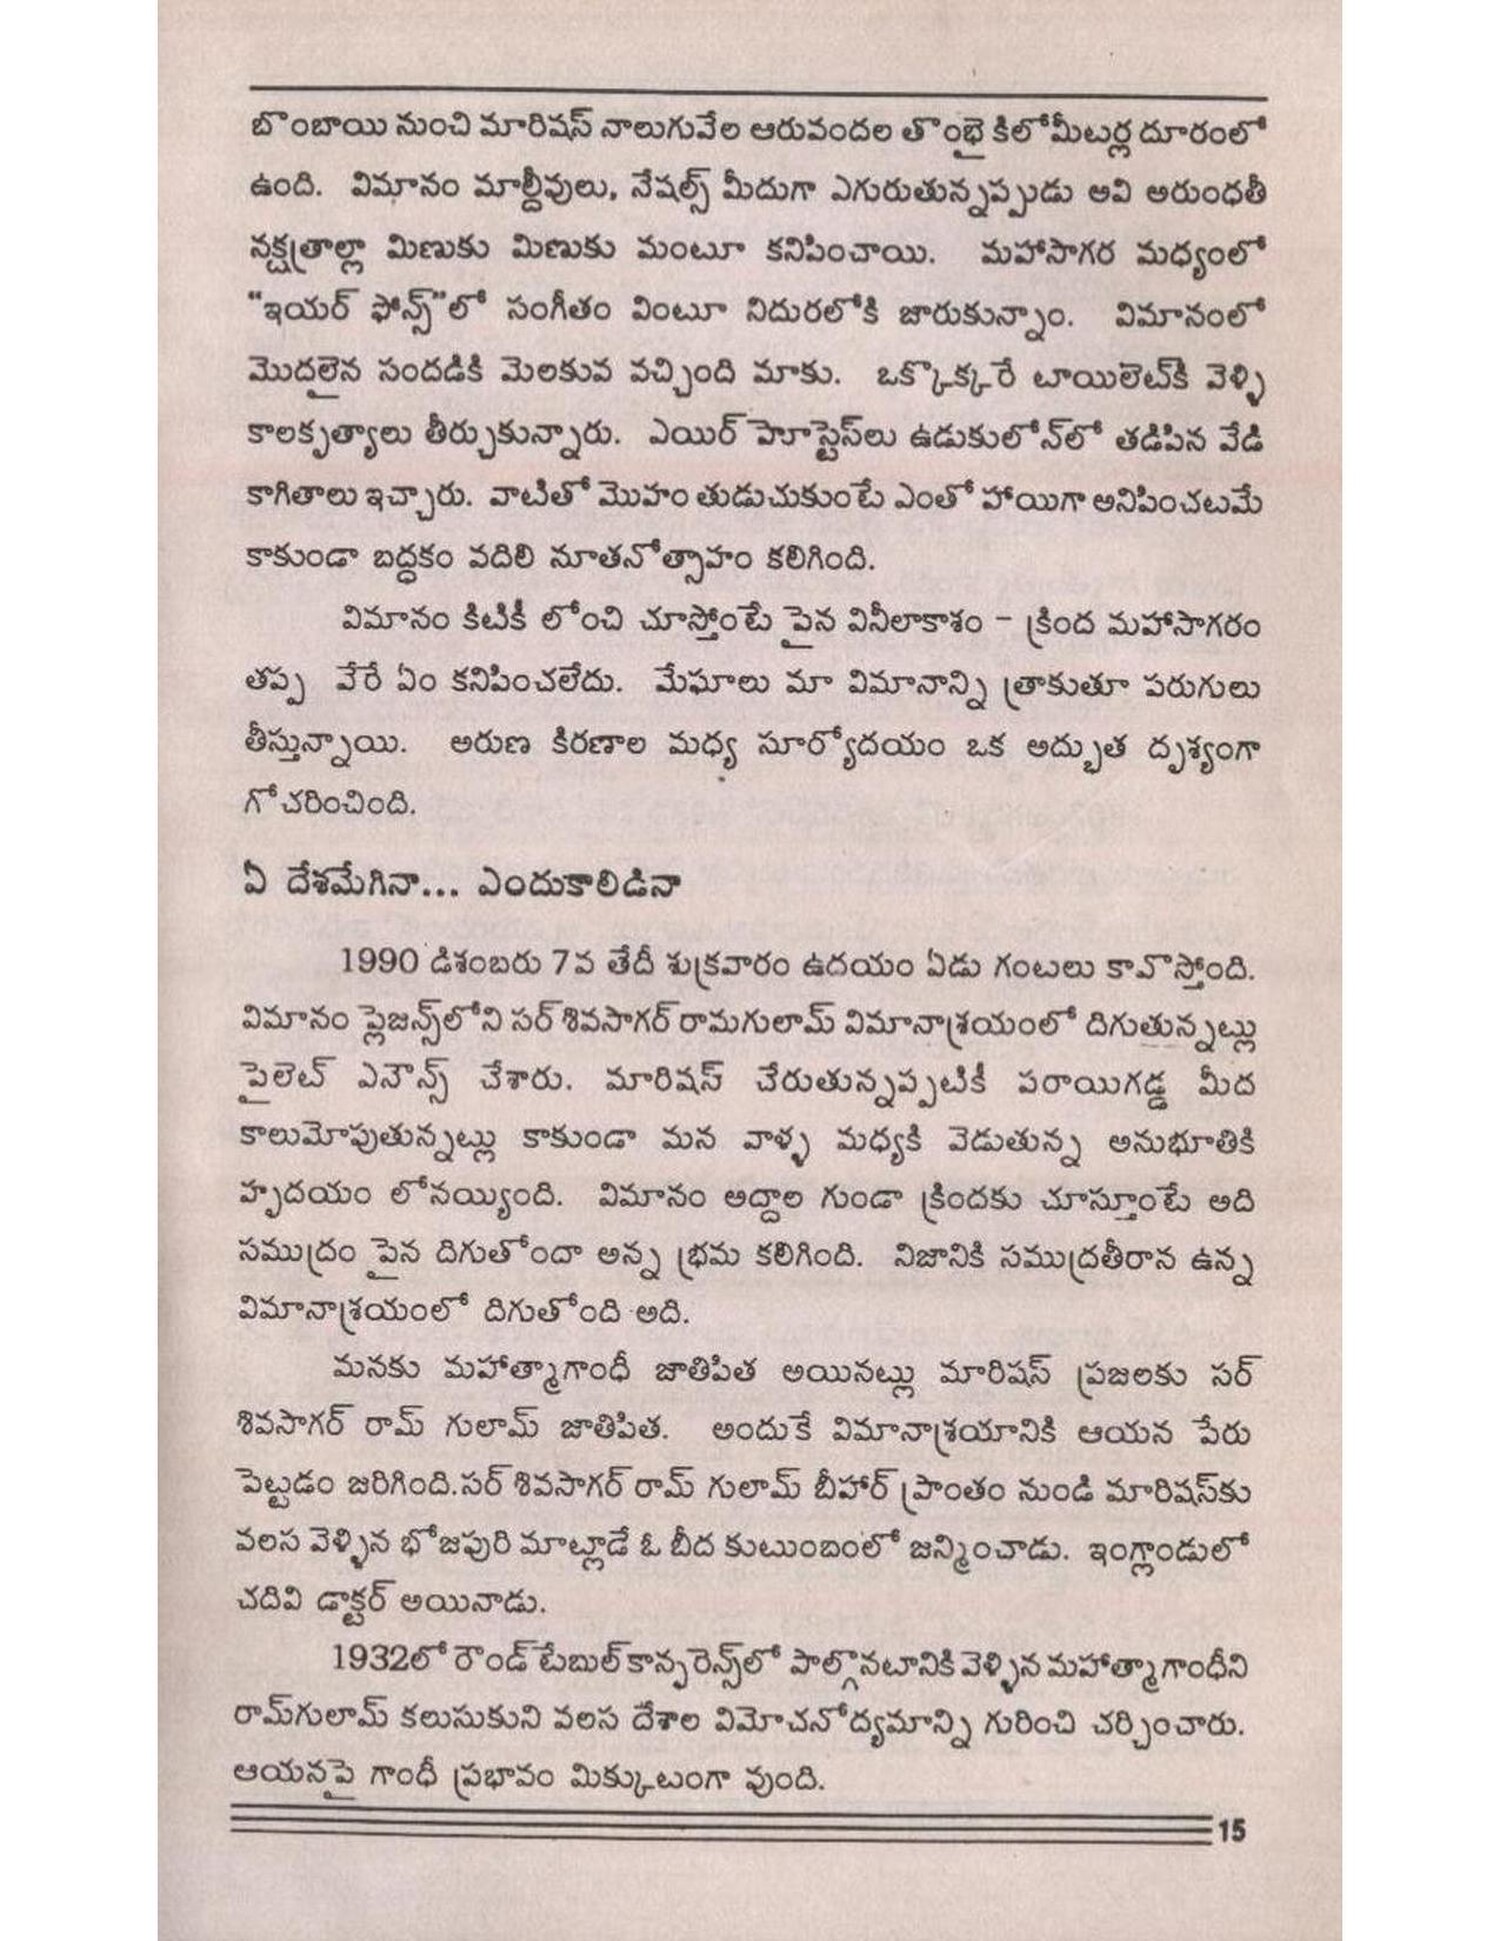బొంబాయి నుంచి మారిషస్ నాలుగువేల ఆరువందల తొంభైకిలోమీటర్ల దూరంలో ఉంది. విమానం మాల్దీవులు, నేషల్స్ మీదుగా ఎగురుతున్నప్పడు అవి అరుంధతీ నక్షత్రాల్లా మిణుకు మిణుకు మంటూ కనిపించాయి. మహాసాగర మధ్యంలో "ఇయర్ ఫోన్స్"లో సంగీతం వింటూ నిదురలోకి జారుకున్నాం. విమానంలో మొదలైన సందడికి మెలకువ వచ్చింది మాకు. ఒక్కొక్కరే టాయిలెట్‌కి వెళ్ళి కాలకృత్యాలు తీర్చుకున్నారు. ఎయిర్ హోస్టెస్లు ఉడుకులోన్ లో తడిపిన వేడి కాగితాలు ఇచ్చారు. వాటితో మొహం తుడుచుకుంటే ఎంతో హాయిగా అనిపించటమే కాకుండా బద్దకం వదిలి నూతనోత్సాహం కలిగింది.

విమానం కిటికీ లోంచి చూస్తోంటే పైన వినీలాకాశం - క్రింద మహాసాగరం తప్ప వేరే ఏం కనిపించలేదు. మేఘాలు మా విమానాన్ని త్రాకుతూ పరుగులు తీస్తున్నాయి. అరుణ కిరణాల మధ్య సూర్యోదయం ఒక అద్భుత దృశ్యంగా గోచరించింది.

ఏ దేశమేగినా... ఎందుకాలిడినా

1990 డిశంబరు 7వ తేదీ శుక్రవారం ఉదయం ఏడు గంటలు కావొస్తోంది. విమానం ప్లెజన్‌స్ లోని సర్ శివసాగర్ రామగులామ్ విమానాశ్రయంలో దిగుతున్నట్టు పైలెట్ ఎనౌన్స్ చేశారు. మారిషస్ చేరుతున్నప్పటికీ పరాయిగడ్డ మీద కాలుమోపు తున్నట్టు కాకుండా మన వాళ్ళ మధ్యకి వెడుతున్న అనుభూతికి హృదయం లోనయ్యింది. విమానం అద్దాల గుండా క్రిందకు చూస్తూంటే అది సముద్రం పైన దిగుతోందా అన్న భ్రమ కలిగింది. నిజానికి సముద్రతీరాన ఉన్న విమానాశ్రయంలో దిగుతోంది అది.

మనకు మహాత్మాగాంధీ జాతిపిత అయినట్టు మారిషస్ ప్రజలకు సర్ శివసాగర్ రామ్ గులామ్ జాతిపిత అందుకే విమానాశ్రయానికి ఆయన పేరు పెట్టడం జరిగింది. సర్ శివసాగర్ రామ్ గులామ్ బీహార్ ప్రాంతం నుండి మారిషంకు వలస వెళ్ళిన భోజపురి మాట్లాడే ఓ బీద కుటుంబంలో జన్మించాడు. ఇంగ్లాండులో చదివి డాక్టర్ అయినాడు.

1932లో రౌండ్ టేబుల్ కాన్ఫరెన్స్ లో పాల్గొనటానికి వెళ్ళిన మహాత్మాగాంధీని రామ్‌గులామ్ కలుసుకుని వలస దేశాల విమోచనోద్యమాన్ని గురించి చర్చించారు. ఆయనపై గాంధీ ప్రభావం మిక్కుటంగా వుంది.